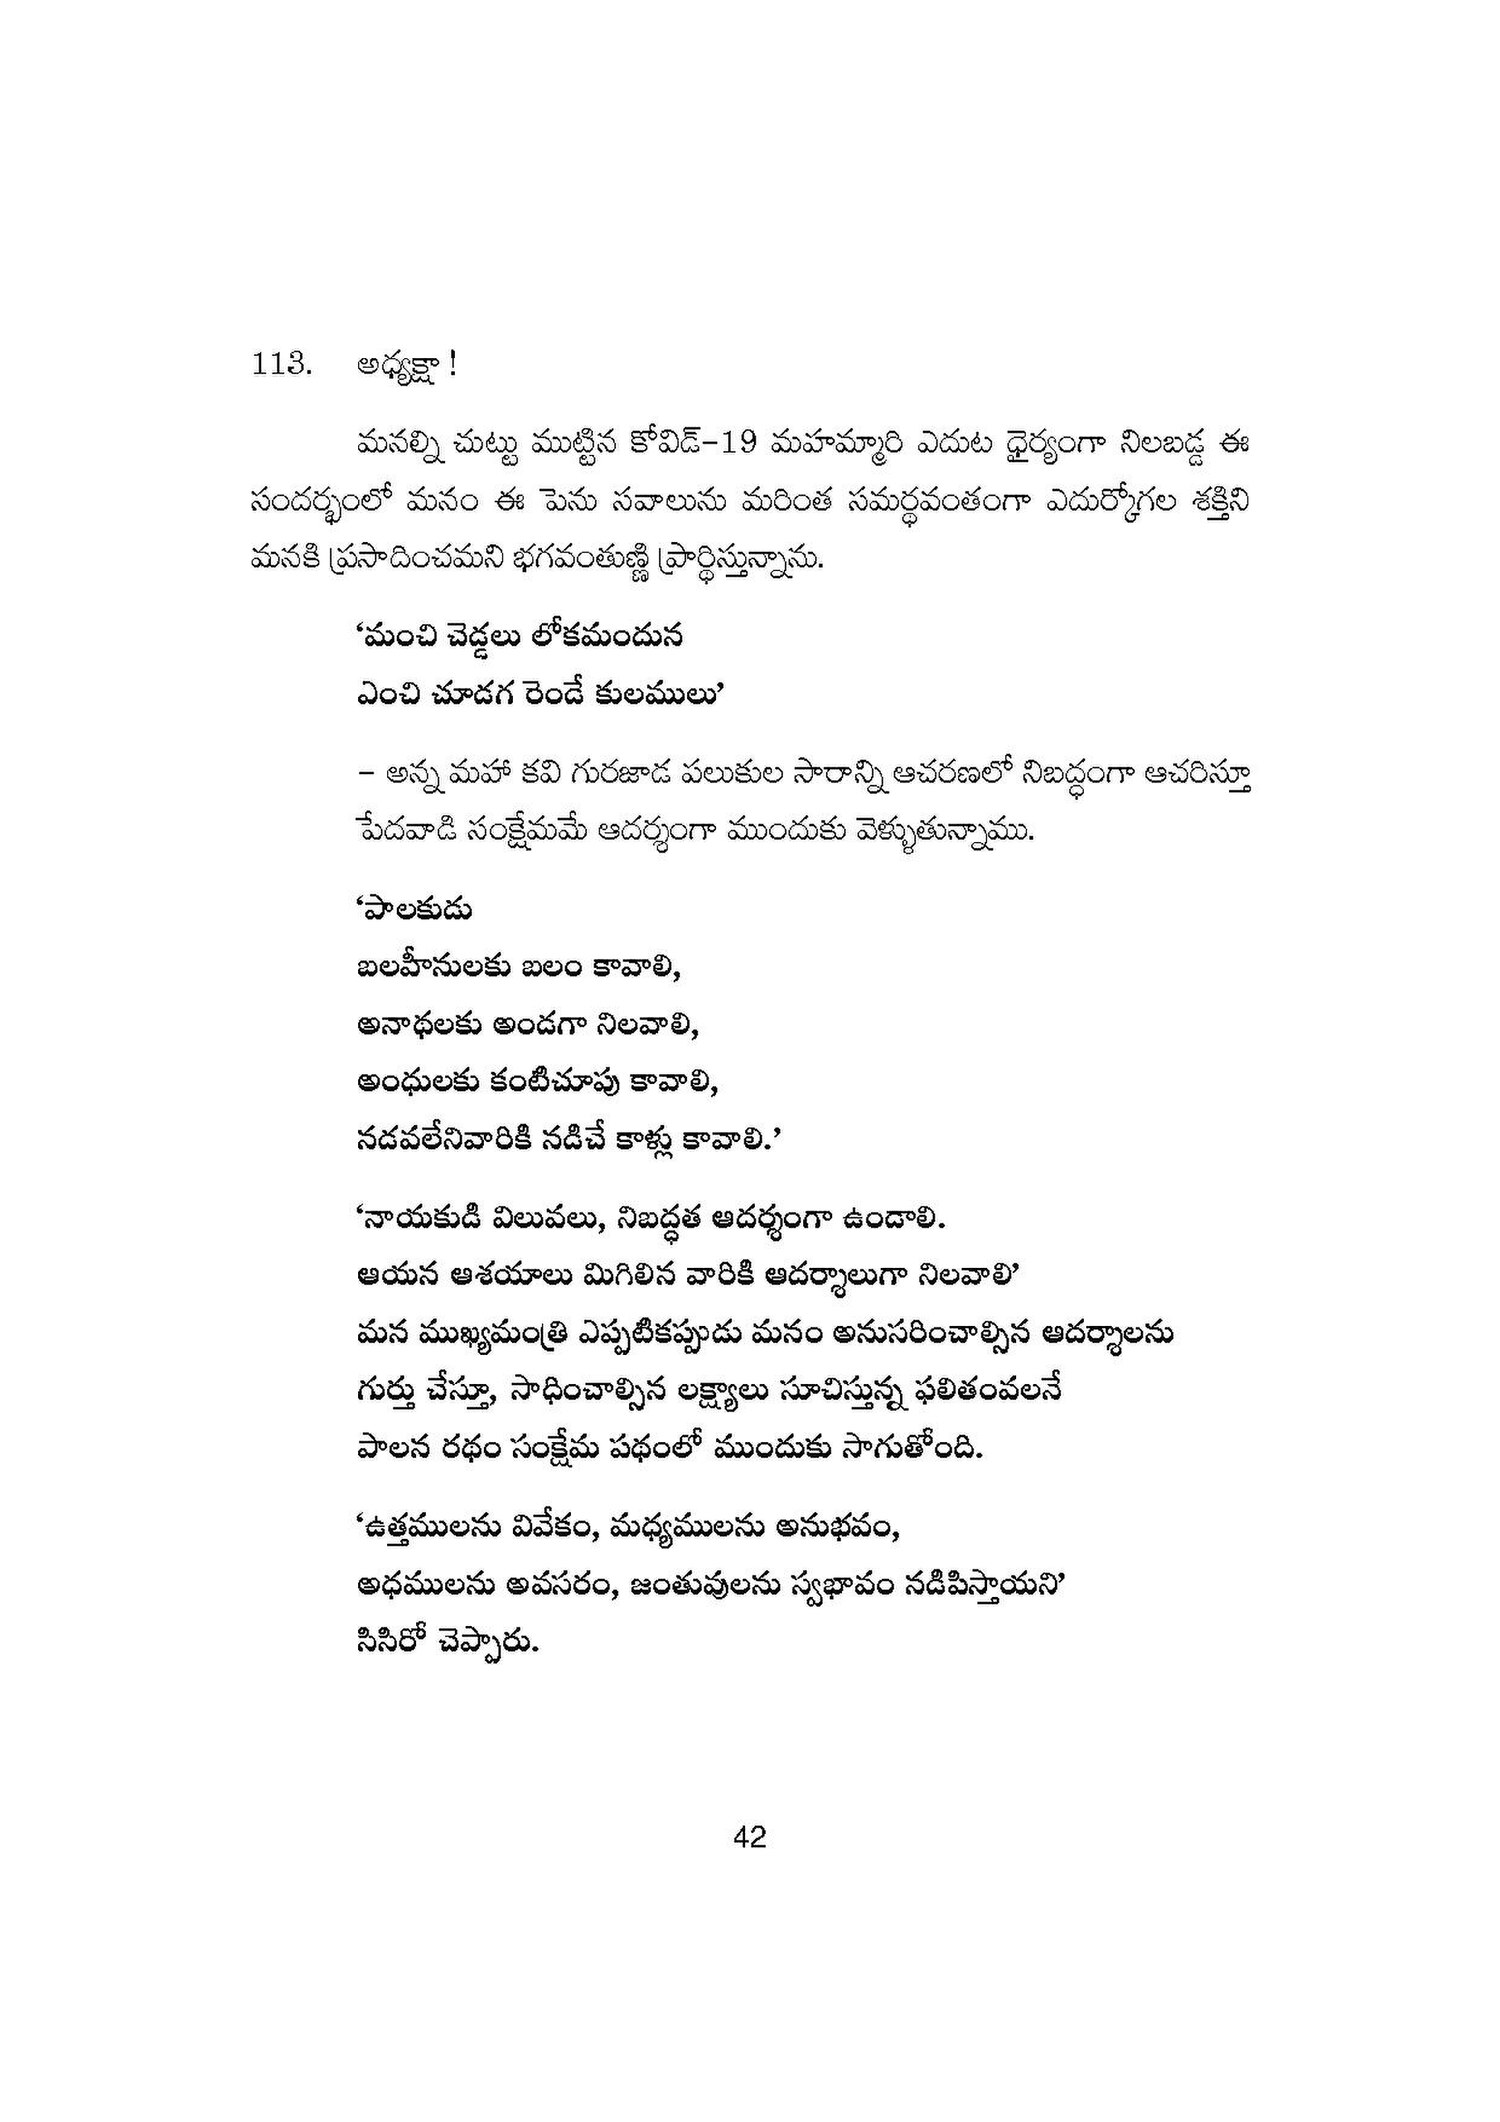113. అధ్యక్షా !

మనల్ని చుట్టు ముట్టిన కోవిడ్-19 మహమ్మారి ఎదుట ధైర్యంగా నిలబడ్డ ఈ సందర్భంలో మనం ఈ పెను సవాలును మరింత సమర్థవంతంగా ఎదుర్కోగల శక్తిని మనకి ప్రసాదించమని భగవంతుణ్ణి ప్రార్థిస్తున్నాను.

'మంచి చెడ్డలు లోకమందున 
ఎంచి చూడగ రెండే కులములు' 
- అన్న మహా కవి గురజాడ పలుకుల సారాన్ని ఆచరణలో నిబద్ధంగా ఆచరిస్తూ పేదవాడి సంక్షేమమే ఆదర్శంగా ముందుకు వెళ్ళుతున్నాము. 

'పాలకుడు
బలహీనులకు బలం కావాలి, 
అనాథలకు అండగా నిలవాలి, 
అంధులకు కంటిచూపు కావాలి, 
నడవలేనివారికి నడిచే కాళ్లు కావాలి.'

 'నాయకుడి విలువలు, నిబద్ధత ఆదర్శంగా ఉండాలి.
ఆయన ఆశయాలు మిగిలిన వారికి ఆదర్శాలుగా నిలవాలి' 
మన ముఖ్యమంత్రి ఎప్పటికప్పుడు మనం అనుసరించాల్సిన ఆదర్శాలను గుర్తు చేస్తూ, సాధించాల్సిన లక్ష్యాలు సూచిస్తున్న ఫలితంవలనే పాలన రథం సంక్షేమ పథంలో ముందుకు సాగుతోంది. 

'ఉత్తములను వివేకం, మధ్యములను అనుభవం, అధములను అవసరం, జంతువులను స్వభావం నడిపిస్తాయని' సిసిరో చెప్పారు.